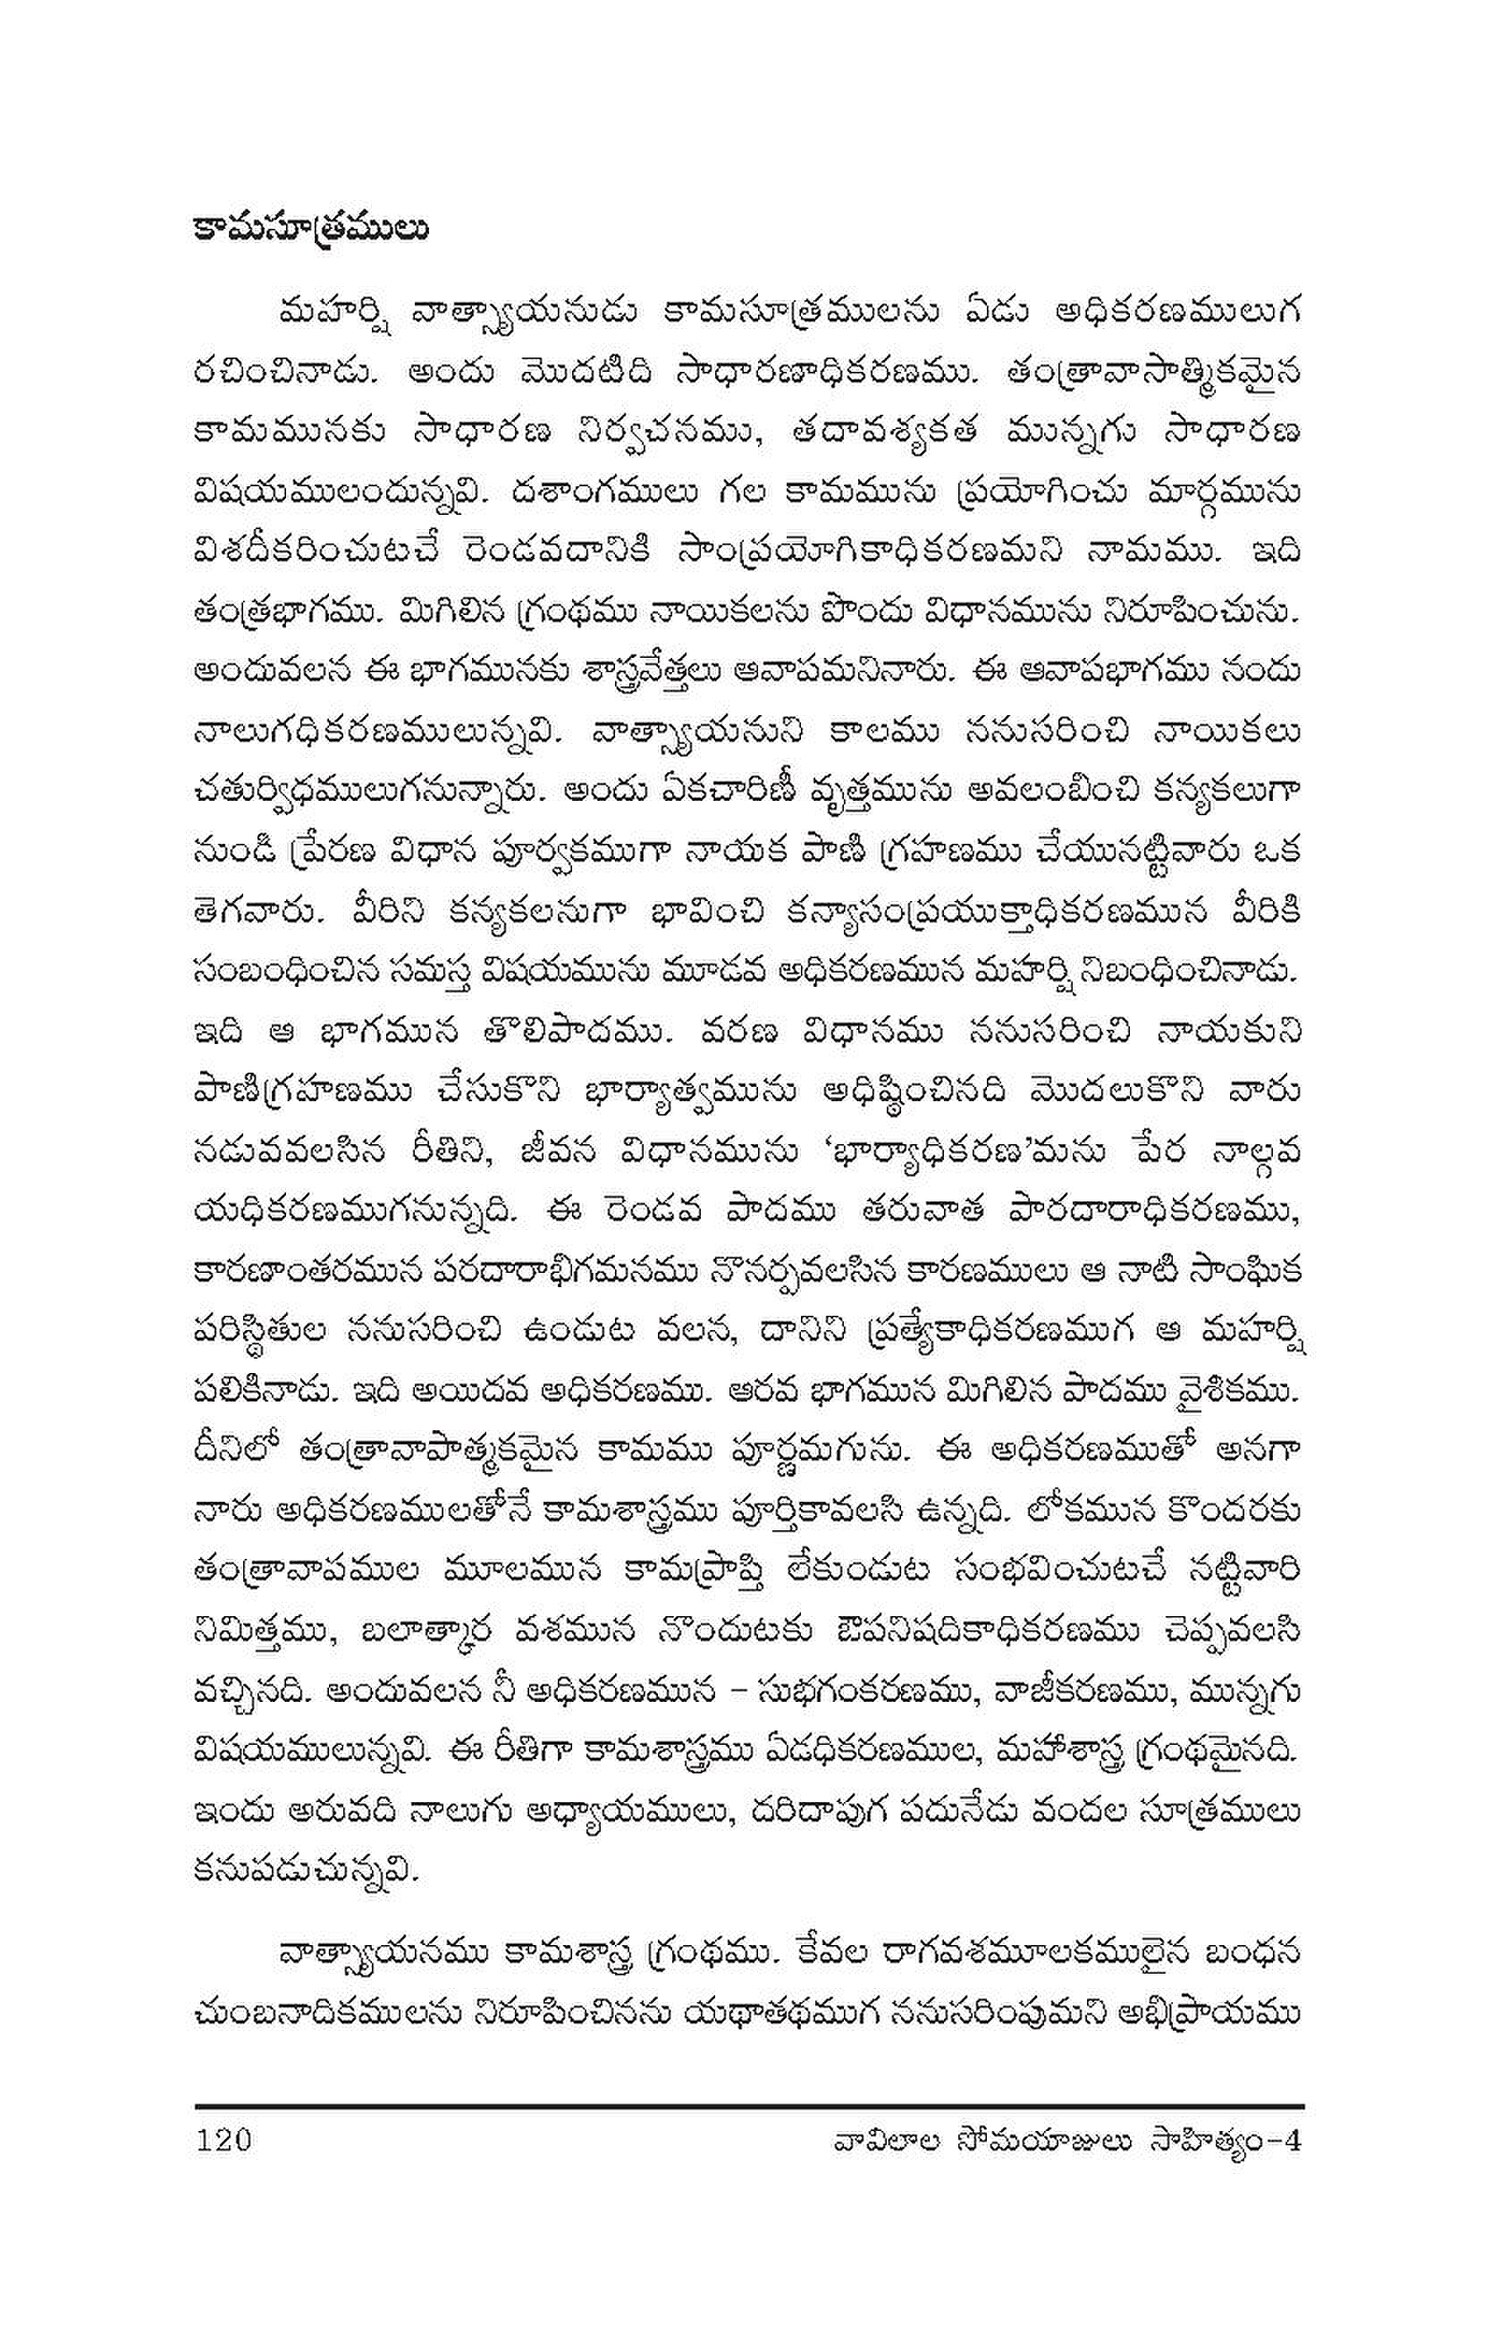కామసూత్రములు

మహర్షి వాత్స్యాయనుడు కామసూత్రములను ఏడు అధికరణములుగ
రచించినాడు. అందు మొదటిది సాధారణాధికరణము. తంత్రావాసాత్మికమైన
కామమునకు సాధారణ నిర్వచనము, తదావశ్యకత మున్నగు సాధారణ
విషయములందున్నవి. దశాంగములు గల కామమును ప్రయోగించు మార్గమును
విశదీకరించుటచే రెండవదానికి సాంప్రయోగికాధికరణమని నామము. ఇది
తంత్రభాగము. మిగిలిన గ్రంథము నాయికలను పొందు విధానమును నిరూపించును. అందువలన ఈ భాగమునకు శాస్త్రవేత్తలు ఆవాపమనినారు. ఈ ఆవాపభాగము నందు నాలుగధికరణములున్నవి. వాత్స్యాయనుని కాలము ననుసరించి నాయికలు చతుర్విధములుగనున్నారు. అందు ఏకచారిణీ వృత్తమును అవలంబించి కన్యకలుగా నుండి ప్రేరణ విధాన పూర్వకముగా నాయక పాణి గ్రహణము చేయునట్టివారు ఒక తెగవారు. వీరిని కన్యకలనుగా భావించి కన్యాసంప్రయుక్తాధికరణమున వీరికి సంబంధించిన సమస్త విషయమును మూడవ అధికరణమున మహర్షి నిబంధించినాడు. ఇది ఆ భాగమున తొలిపాదము. వరణ విధానము ననుసరించి నాయకుని పాణిగ్రహణము చేసుకొని భార్యాత్వమును అధిష్ఠించినది మొదలుకొని వారు నడువవలసిన రీతిని, జీవన విధానమును 'భార్యాధికరణ'మను పేర నాల్గవ యధికరణముగనున్నది. ఈ రెండవ పాదము తరువాత పారదారాధికరణము, కారణాంతరమున పరదారాభిగమనము నొనర్పవలసిన కారణములు ఆ నాటి సాంఘిక పరిస్థితుల ననుసరించి ఉండుట వలన, దానిని ప్రత్యేకాధికరణముగ ఆ మహర్షి పలికినాడు. ఇది అయిదవ అధికరణము. ఆరవ భాగమున మిగిలిన పాదము వైశికము. దీనిలో తంత్రావాపాత్మకమైన కామము పూర్ణమగును. ఈ అధికరణముతో అనగా
నారు అధికరణములతోనే కామశాస్త్రము పూర్తికావలసి ఉన్నది. లోకమున కొందరకు
తంత్రావాపముల మూలమున కామప్రాప్తి లేకుండుట సంభవించుటచే నట్టివారి
నిమిత్తము, బలాత్కార వశమున నొందుటకు ఔపనిషదికాధికరణము చెప్పవలసి
వచ్చినది. అందువలన నీ అధికరణమున - సుభగంకరణము, వాజీకరణము, మున్నగు విషయములున్నవి. ఈ రీతిగా కామశాస్త్రము ఏడధికరణముల, మహాశాస్త్ర గ్రంథమైనది. ఇందు అరువది నాలుగు అధ్యాయములు, దరిదాపుగ పదునేడు వందల సూత్రములు కనుపడుచున్నవి.

వాత్స్యాయనము కామశాస్త్ర గ్రంథము. కేవల రాగవశమూలకములైన బంధన
చుంబనాదికములను నిరూపించినను యథాతథముగ ననుసరింపుమని అభిప్రాయము